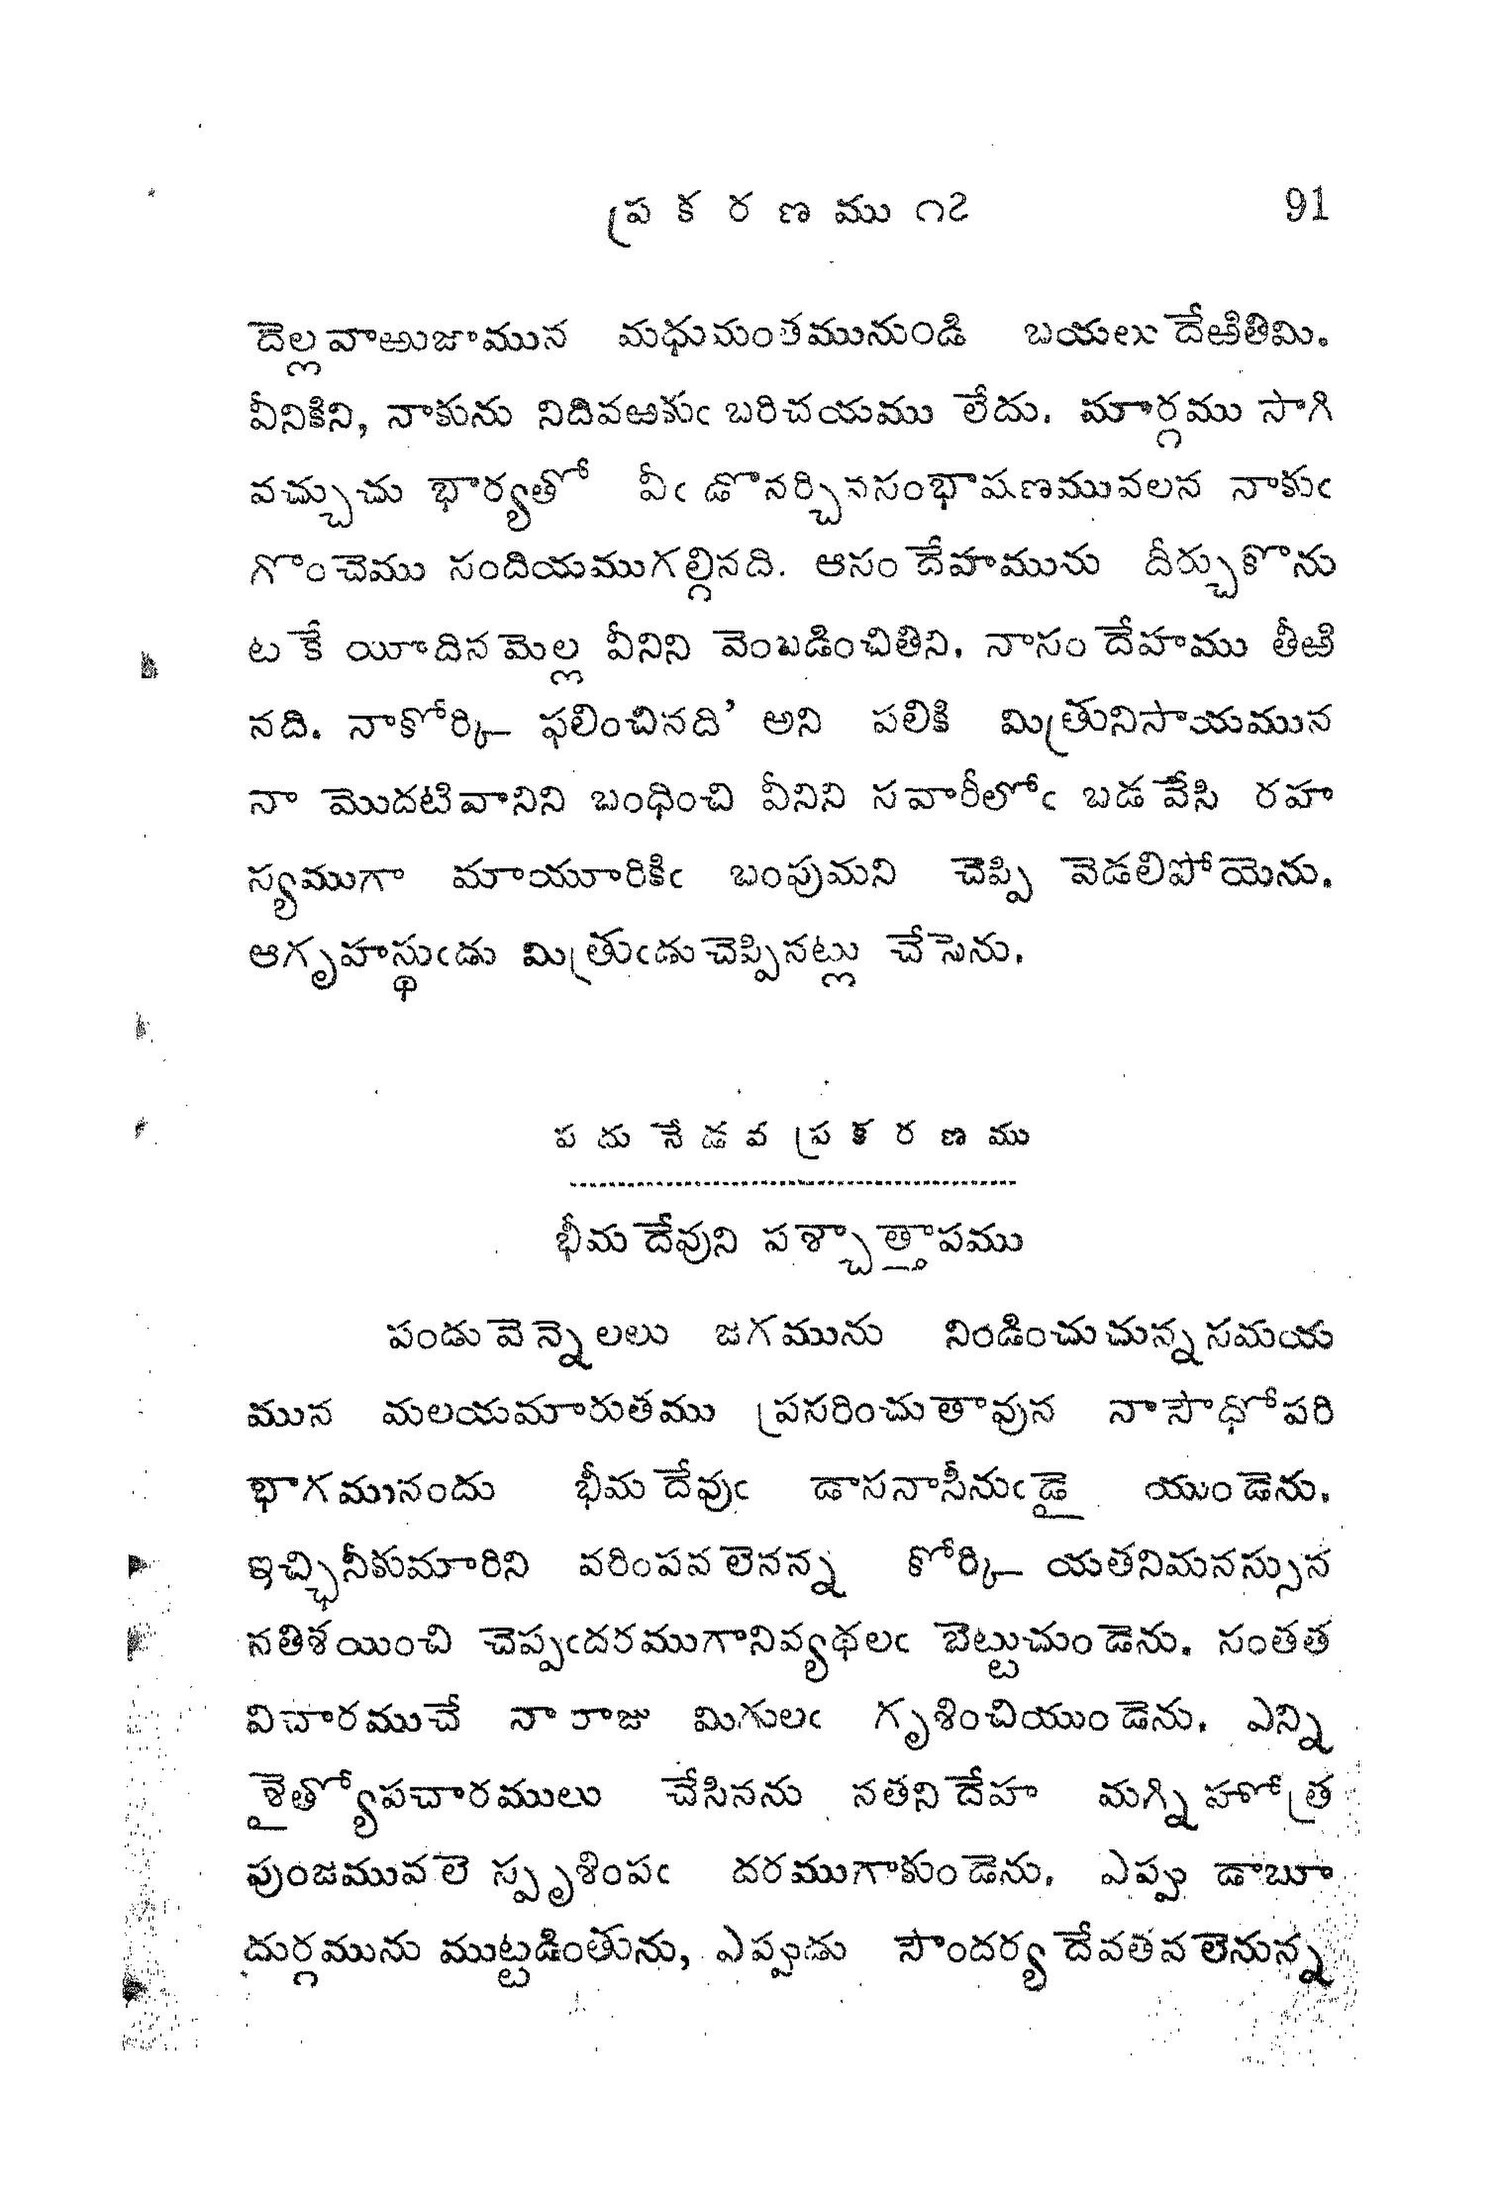దెల్ల వాఱుజామున మధుమంతమునుండి బయలు దేజితిమి. వీనికిని, నాకును నిదివఱకు బరిచయము లేదు.మార్గముసాగి వచ్చుచు భార్యతో వీఁ డొనర్చిన సంభాషణమువలన నాకుఁ గొంచెము సందియముగల్గినది. ఆసం దేహమును దీర్చుకొను వీనిని వెంబడించితిని, నాసం దేహము తీరినది. నాకోర్కి ఫలించినది' అని పలికి మిత్రునిసాయముననా మొదటి వానిని బంధించి వీనిని సవారీలోఁ బడ వేసి రహ స్యముగా మాయూరికిఁ బంపుమని చెప్పి వెడలిపోయెను. ఆగృహస్థుఁడు మిత్రుఁడు చెప్పినట్లు చేసెను. ట కే యీదిన మెల్ల

పండు వెన్నెలలు జగమునునిండించుచున్న సమయ మున మలయమారుతము ప్రసరించు తావున నా సౌధోపరి భాగమునందు భీమ దేవుఁ డాసనాసీనుఁడై యుండెను. ఇచ్ఛినీకుమారిని వరింపన లెనన్న కోర్కి యతనిమనస్సున నతిశయించి చెప్పఁదరముగాని వ్యథలఁ బెట్టుచుండెను. సంతత విచారముచే నా రాజు మిగులఁ గృశించియుండెను. ఎన్ని శైత్యోపచారములు చేసినను , నతని దేహ మగ్ని హోత్ర పుంజమువ లె స్పృశింపఁ దరముగాకుం డెను, ఎప్పు డాబూ దుర్గమును ముట్టడింతును, ఎప్పుడు సౌందర్య దేవతన లెనున్న